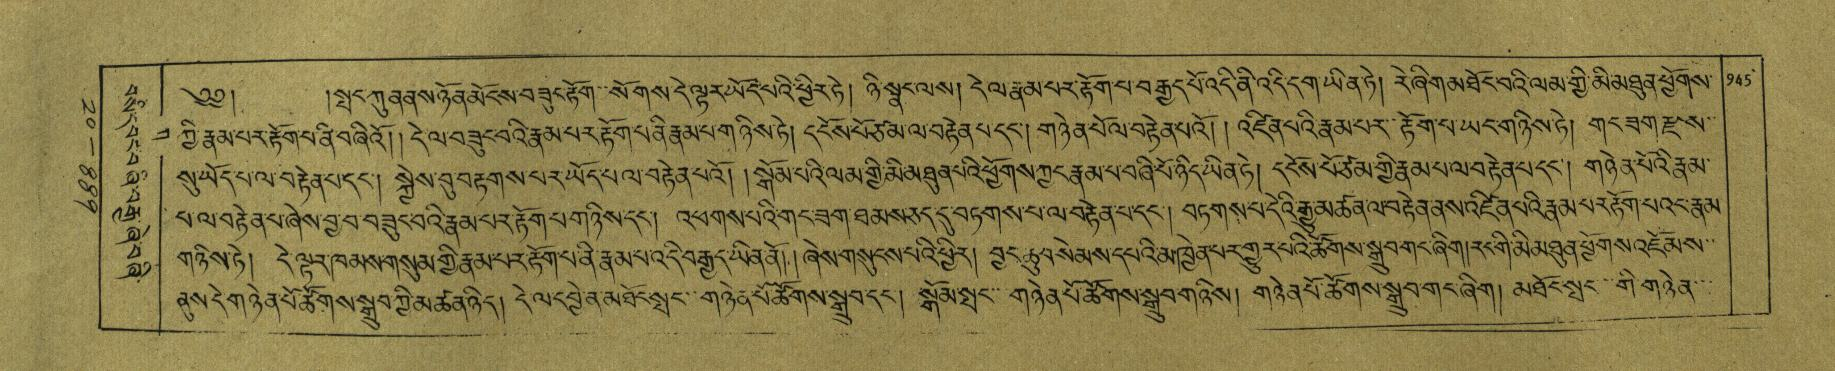༄༅། །སྤང་ཀུན་ནས་ཉོན་མོངས་བཟུང་རྟོག་སོགས་དེ་ལྟར་ཡོད་པའི་ཕྱིར་ཏེ། ཉི་སྣང་ལས། དེ་ལ་རྣམ་པར་རྟོག་པ་བརྒྱད་པོ་འདི་ནི་འདི་དག་ཡིན་ཏེ། རེ་ཞིག་མཐོང་བའི་ལམ་གྱི་མི་མཐུན་ཕྱོགས་
ཀྱི་རྣམ་པར་རྟོག་པ་ནི་བཞིའོ། །དེ་ལ་བཟུང་བའི་རྣམ་པར་རྟོག་པ་ནི་རྣམ་པ་གཉིས་ཏེ། དངོས་པོ་ཙམ་ལ་བརྟེན་པ་དང་། གཉེན་པོ་ལ་བརྟེན་པའོ། །འཛིན་པའི་རྣམ་པར་རྟོག་པ་ཡང་གཉིས་ཏེ། གང་ཟག་རྫས་
སུ་ཡོད་པ་ལ་བརྟེན་པ་དང་། སྐྱེས་བུ་བརྟགས་པར་ཡོད་པ་ལ་བརྟེན་པའོ། །སྒོམ་པའི་ལམ་གྱི་མི་མཐུན་པའི་ཕྱོགས་ཀྱང་རྣམ་པ་བཞི་པོ་ཉིད་ཡིན་ཏེ། དངོས་པོ་ཙམ་གྱི་རྣམ་པ་ལ་བརྟེན་པ་དང་། གཉེན་པོའི་རྣམ་
པ་ལ་བརྟེན་པ་ཞེས་བྱ་བ་བཟུང་བའི་རྣམ་པར་རྟོག་པ་གཉིས་དང་། འཕགས་པའི་གང་ཟག་ཐམས་ཅད་དུ་བཏགས་པ་ལ་བརྟེན་པ་དང་། བཏགས་པ་དེའི་རྒྱུ་མཚན་ལ་བརྟེན་ནས་འཛིན་པའི་རྣམ་པར་རྟོག་པའང་རྣམ་
གཉིས་ཏེ། དེ་ལྟར་ཁམས་གསུམ་གྱི་རྣམ་པར་རྟོག་པ་ནི་རྣམ་པ་འདི་བརྒྱད་ཡིན་ནོ། །ཞེས་གསུངས་པའི་ཕྱིར། བྱང་ཆུབ་སེམས་དཔའི་མཁྱེན་པར་གྱུར་པའི་ཚོགས་སྒྲུབ་གང་ཞིག །རང་གི་མི་མཐུན་ཕྱོགས་འཇོམས་
ནུས་དེ་གཉེན་པོ་ཚོགས་སྒྲུབ་ཀྱི་མཚན་ཉིད། དེ་ལ་དབྱེ་ན་མཐོང་སྤང་གཉེན་པོ་ཚོགས་སྒྲུབ་དང་། སྒོམ་སྤང་གཉེན་པོ་ཚོགས་སྒྲུབ་གཉིས། གཉེན་པོ་ཚོགས་སྒྲུབ་གང་ཞིག །མཐོང་སྤང་གི་གཉེན་